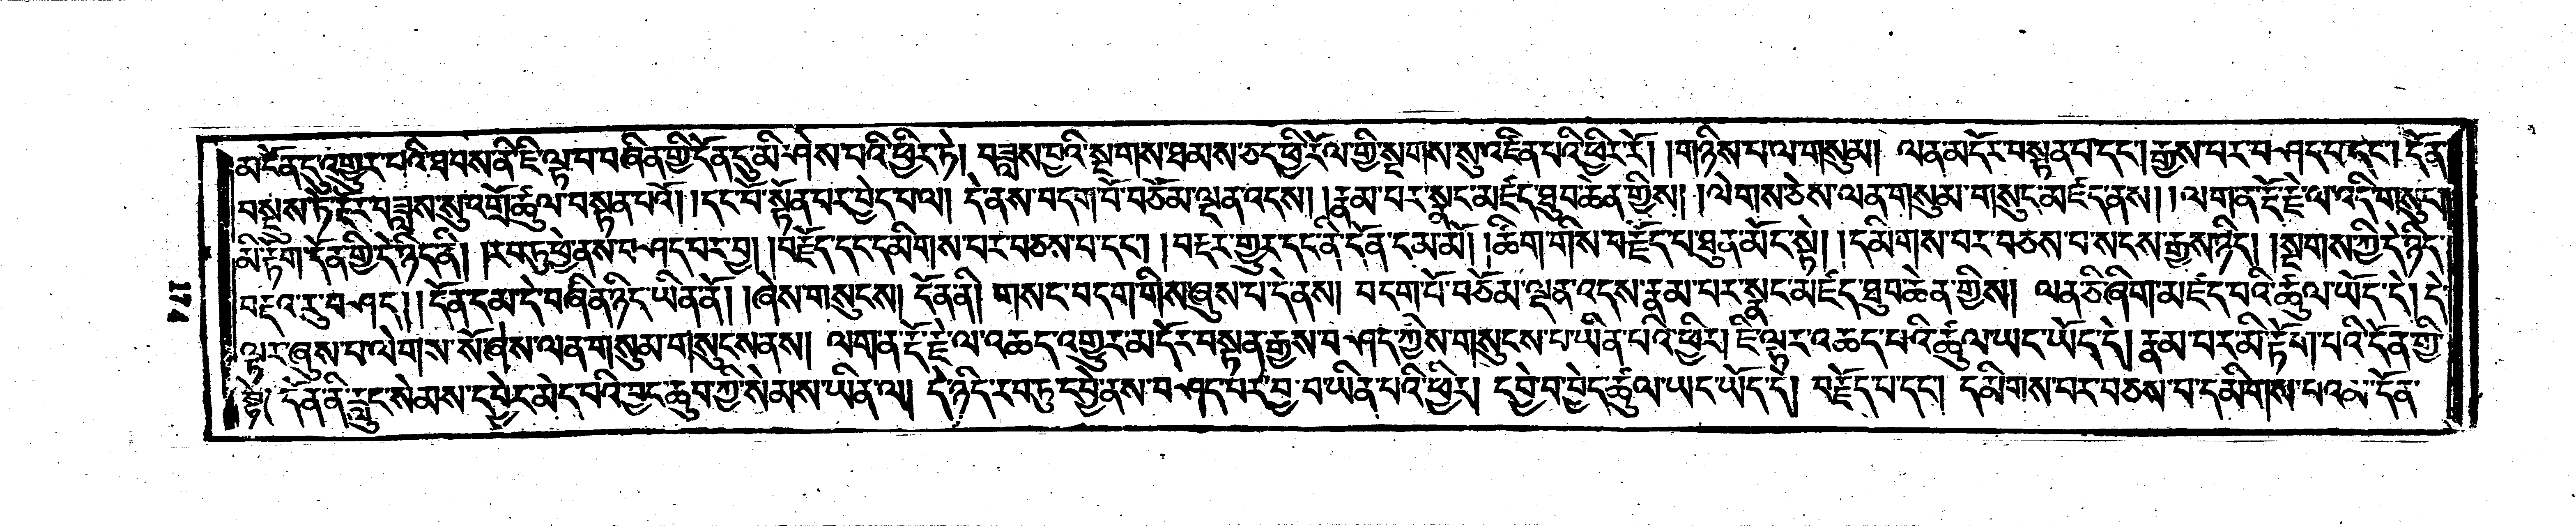མངོན་དུ་འགྱུར་བའི་ཐབས་ནི་ཇི་ལྟ་བ་བཞིན་གྱི་དོན་དུ་མི་ཤེས་པའི་ཕྱིར་ཏེ། བཟླས་བྱའི་སྔགས་ཐམས་ཅད་ཕྱི་རོལ་གྱི་སྔགས་སུ་འཛིན་པའི་ཕྱིར་རོ། །གཉིས་པ་ལ་གསུམ། ལན་མདོར་བསྟན་པ་དང་། རྒྱས་པར་བཤད་པ་དང་། དོན་
བསྡུས་ཏེ་རྡོར་བཟླས་སུ་འགྲོ་ཚུལ་བསྟན་པའོ། །དང་པོ་སྟོན་པར་བྱེད་པ་ལ། དེ་ནས་བདག་པོ་བཅོམ་ལྡན་འདས། །རྣམ་པར་སྣང་མཛད་ཐུབ་ཆེན་གྱིས། །ལེགས་ཅེས་ལན་གསུམ་གསུང་མཛད་ནས། །ལག་ན་རྡོ་རྗེ་ལ་འདི་གསུང་།
མི་རྟོག་དོན་གྱི་དེ་ཉིད་ནི། །རབ་ཏུ་ཕྱེ་ནས་བཤད་པར་བྱ། །བརྗོད་དང་དམིགས་པར་བཅས་པ་དང་། །བརྡར་གྱུར་དང་ནི་དོན་དམ་མོ། །ཚིག་གིས་བརྗོད་པ་ཐུན་མོང་སྟེ། །དམིགས་པར་བཅས་པ་སངས་རྒྱས་ཉིད། །སྔགས་ཀྱི་དེ་ཉིད་
བརྡའ་རུ་བཤད། །དོན་དམ་དེ་བཞིན་ཉིད་ཡིན་ནོ། །ཞེས་གསུངས། དོན་ནི། གསང་བདག་གིས་ཞུས་པ་དེ་ནས། བདག་པོ་བཅོམ་ལྡན་འདས་རྣམ་པར་སྣང་མཛད་ཐུབ་ཆེན་གྱིས། ལན་ཅི་ཞིག་མཛད་པའི་ཚུལ་ཡོད་དེ། དེ་
ལྟར་ཞུས་པ་ལེགས་སོ་ཞེས་ལན་གསུམ་གསུངས་ནས། ལག་ན་རྡོ་རྗེ་ལ་འཆད་འགྱུར་མདོར་བསྟན་རྒྱས་བཤད་ཀྱིས་གསུངས་པ་ཡིན་པའི་ཕྱིར། ཇི་ལྟར་འཆད་པའི་ཚུལ་ཡང་ཡོད་དེ། རྣམ་པར་མི་རྟོག་པའི་དོན་གྱི་
སྟེ། དོན་ནི་རླུང་སེམས་དབྱེར་མེད་པའི་བྱང་ཆུབ་ཀྱི་སེམས་ཡིན་ལ། དེ་ཉིད་རབ་ཏུ་དབྱེ་ནས་བཤད་པར་བྱ་བ་ཡིན་པའི་ཕྱིར། དབྱེ་བ་བྱེད་ཚུལ་ཡང་ཡོད་དེ། བརྗོད་པ་དང་། དམིགས་པར་བཅས་པ་དམིགས་པའམ་དོན་